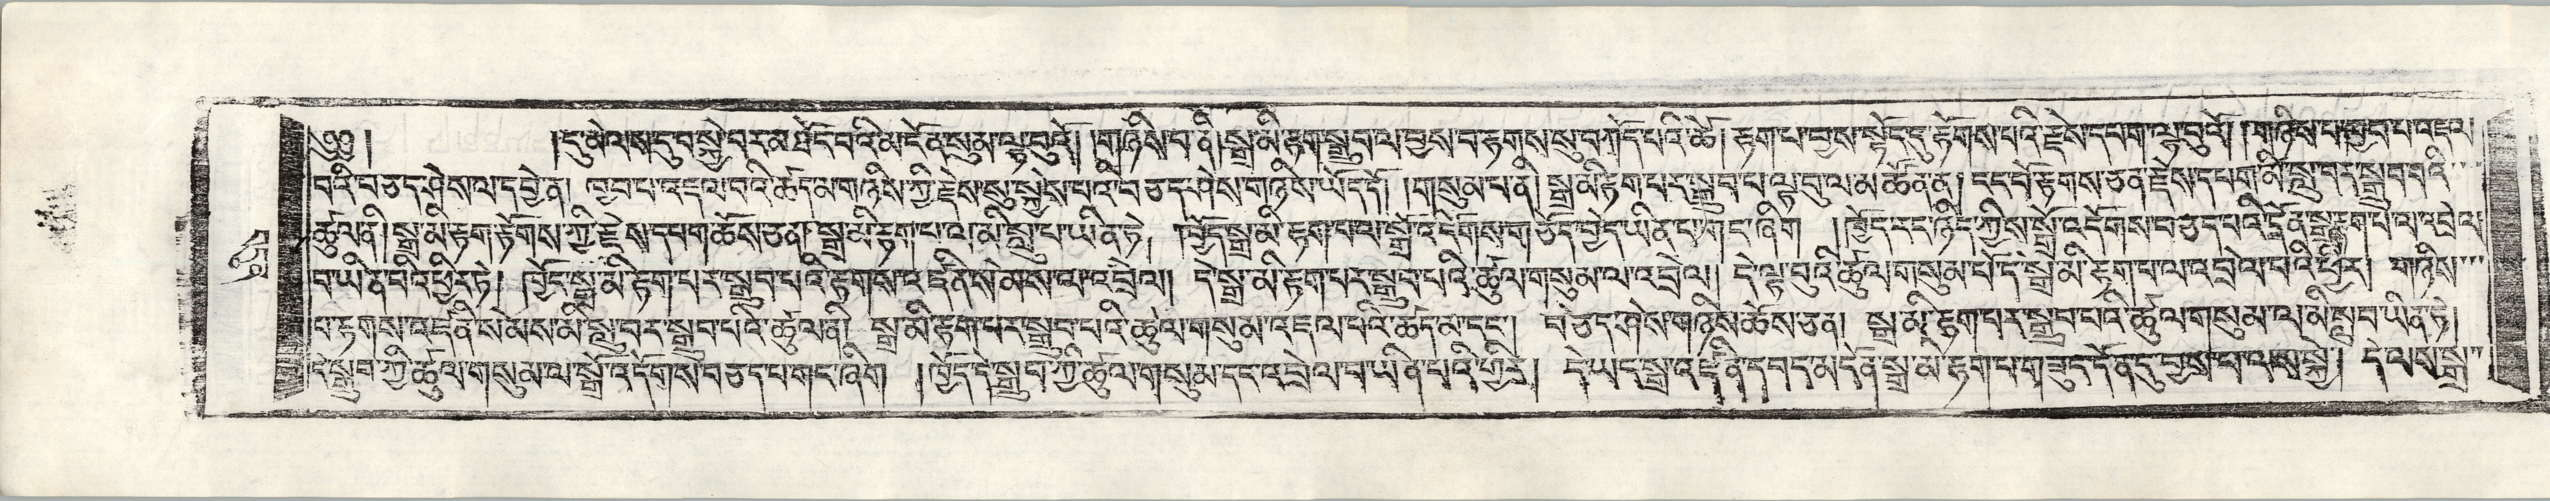༄༅། །དུ་མེ་ལས་དུ་བ་སྐྱེ་བར་མཐོང་བའི་མངོན་སུམ་ལྟ་བུའོ། །གཉིས་པ་ནི། སྒྲ་མི་རྟག་སྒྲུབ་ལ་བྱས་པ་རྟགས་སུ་བཀོད་པའི་ཚེ། རྟག་པ་བྱས་སྟོང་དུ་རྟོགས་པའི་རྗེས་དཔག་ལྟ་བུའོ། །གཉིས་པ་ཁྱབ་པ་འཇལ་
བའི་བཅད་ཤེས་ལ་དབྱེ་ན། ཁྱབ་པ་འཇལ་བའི་ཚད་མ་གཉིས་ཀྱི་རྗེས་སུ་སྐྱེས་པའི་བཅད་ཤེས་གཉིས་ཡོད་དོ། །གསུམ་པ་ནི། སྒྲ་མི་རྟག་པར་སྒྲུབ་པ་ལྟ་བུ་ལ་མཚོན་ན། དང་པོ་རྟགས་ཅན་རྗེས་དཔག་མི་སླུ་བར་སྒྲུབ་པའི་
ཚུལ་ནི། སྒྲ་མི་རྟག་རྟོགས་ཀྱི་རྗེས་དཔག་ཆོས་ཅན། སྒྲ་མི་རྟག་པ་ལ་མི་སླུ་བ་ཡིན་ཏེ། ཁྱོད་སྒྲ་མི་རྟག་པ་ལ་སྒྲོ་འདོགས་གཅོད་བྱེད་ཡིན་པ་གང་ཞིག །ཁྱོད་རང་ཉིད་ཀྱིས་སྒྲོ་འདོགས་བཅད་པའི་དོན་སྒྲ་མི་རྟག་པ་ལ་འབྲེལ་
བ་ཡིན་པའི་ཕྱིར་ཏེ། ཁྱོད་སྒྲ་མི་རྟག་པར་སྒྲུབ་པའི་རྟགས་འཛིན་སེམས་ལ་འབྲེལ། དེ་སྒྲ་མི་རྟག་པར་སྒྲུབ་པའི་ཚུལ་གསུམ་ལ་འབྲེལ། དེ་ལྟ་བུའི་ཚུལ་གསུམ་པོ་དེ་སྒྲ་མི་རྟག་པ་ལ་འབྲེལ་བའི་ཕྱིར། གཉིས་
པ་རྟགས་འཛིན་སེམས་མི་སླུ་བར་སྒྲུབ་པའི་ཚུལ་ནི། སྒྲ་མི་རྟག་པར་སྒྲུབ་པའི་ཚུལ་གསུམ་འཇལ་བའི་ཚད་མ་དང་། བཅད་ཤེས་གཉིས་ཆོས་ཅན། སྒྲ་མི་རྟག་པར་སྒྲུབ་པའི་ཚུལ་གསུམ་ལ་མི་སླུ་བ་ཡིན་ཏེ།
དེ་སྒྲུབ་ཀྱི་ཚུལ་གསུམ་ལ་སྒྲོ་འདོགས་བཅད་པ་གང་ཞིག །ཁྱོད་དེ་སྒྲུབ་ཀྱི་ཚུལ་གསུམ་དང་འབྲེལ་བ་ཡིན་པའི་ཕྱིར། དེ་ཡང་སྒྲ་འཛིན་དབང་མངོན་སྒྲ་མི་རྟག་པ་གཟུང་དོན་དུ་བྱས་པ་ལས་སྐྱེ། དེ་ལས་སྒྲ་